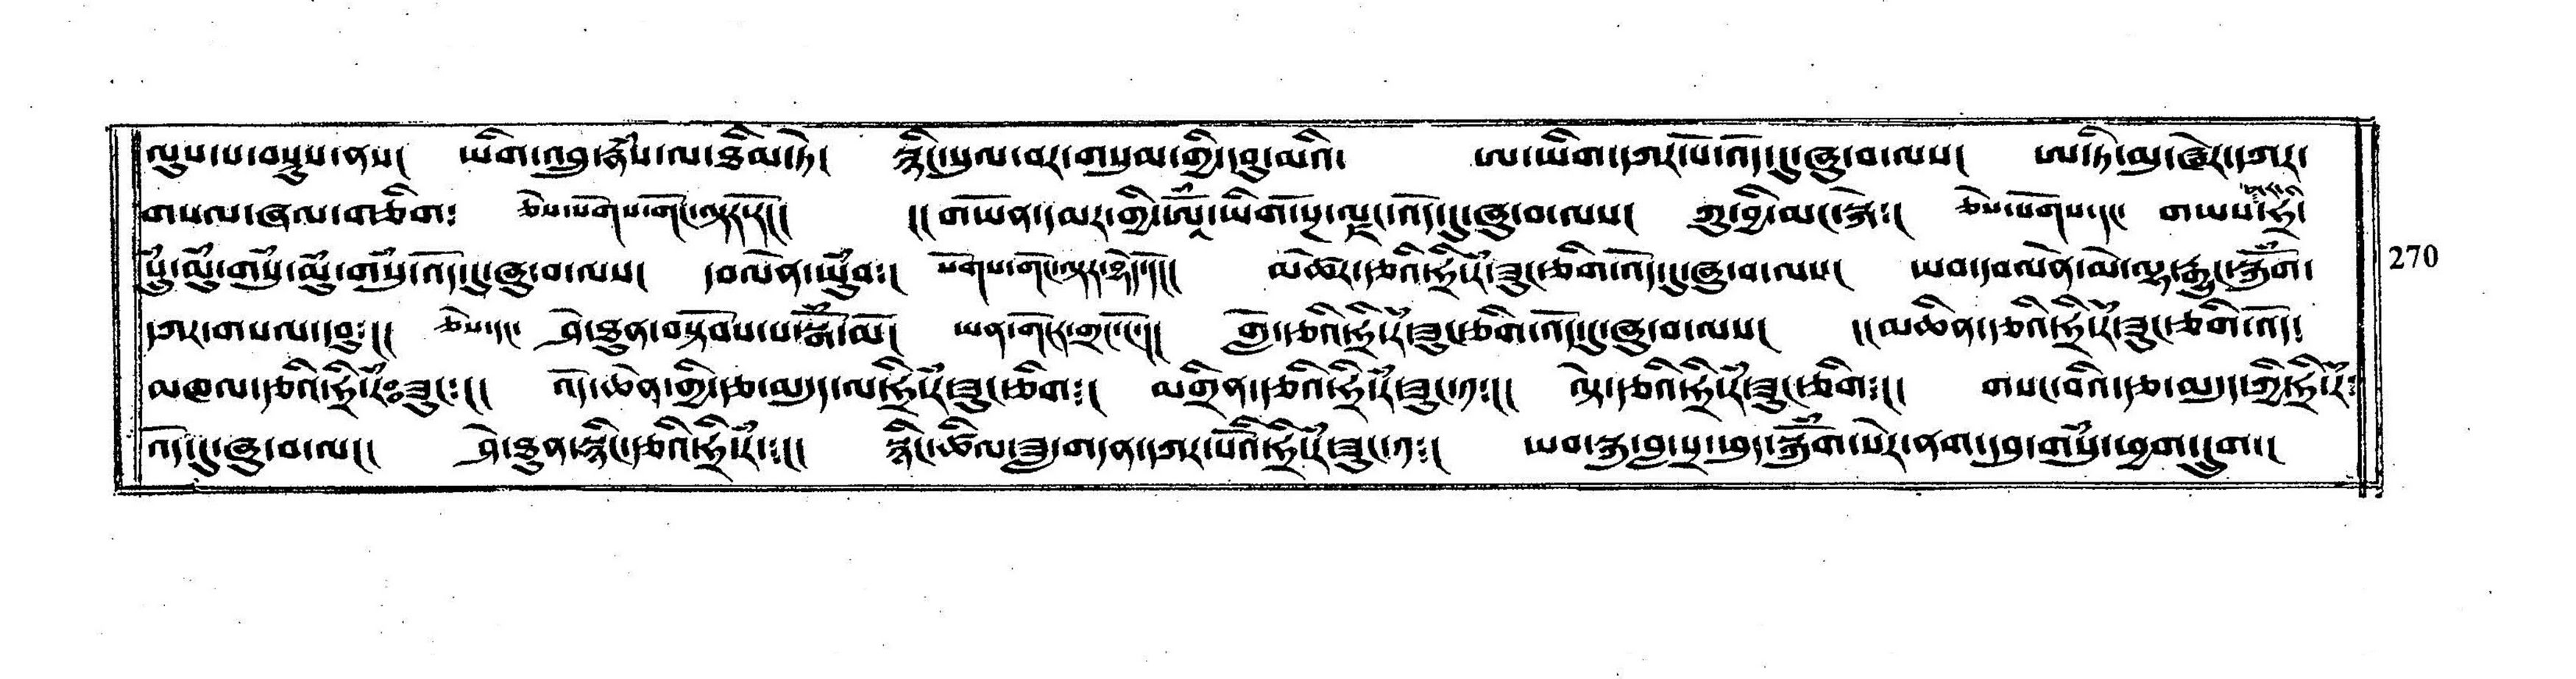ལུས་པ་བསྡུས་ནས། ཡིག་འབྲུ་རྣམས་ལ་ཐིམ་ཏེ། སྙིང་སུལ་བར་གསུམ་གྱི་དབུ་མའི། ཨ་ཡིག་དཀར་པོ་འོད་དུ་ཞུ་བ་ལས། ཨ་ཏི་མུ་ཝེར་དཀར་
གསལ་ཞལ་གཅིག༴ ཅེས་སོགས་གོང་ལྟར་རོ།། །།གཡོན་དམར་གྱི་ཨཱོཾ་ཡིག་སྔོ་ལྗང་འོད་དུ་ཞུ་བ་ལས། ཀུ་བྱི་མང་སྐེ༴། ཅེས་སོགས་དང་གཡས་དཀར་གྱི་ཧྲི་
སྲུཾ་མུཾ་གསུམ་མུཾ་གསུམ་འོད་དུ་ཞུ་བ་ལས། དབལ་ཆེན་ཡབ་ཡུམ༴། སོགས་གོང་ལྟར་བསྐྱེད་༼བྷེད༽་དོ།། མཚེར་རྩའི་ཧྲི་རཾ་ཟུང་ཅིག་འོད་དུ་ཞུ་བ་ལས། ཡབ་དབལ་ཆེན་མེ་ལྷ་རྒྱུང་སྐུ་མདོག་
དཀར་གསལ་དབུ༴།། ཅེས་དང་། ཤེ་ཐུན་བསྟོབས་པ་སྒོམ་མོ། ཡན་གོང་ལྟར་གྲང་ངོ་།། གློ་རྩའི་ཧྲི་རཾ་ཟུང་ཅིག་འོད་དུ་ཞུ་བ་ལས། །མཆིན་རྩའི་ཧྲི་རཾ་ཟུང་ཅིག་འོད་
མཁལ་རྩའི་ཧྲི་རཾཿཟུང་༴།། འོད་ཆེན་གྱི་རྩ་མདུད་ལ་ཧྲི་རཾ་ཟུང་ཅིག༴། མགྲིན་རྩའི་ཧྲི་རཾ་ཟུང་གཅིག༴།། ལྟེ་རྩའི་ཧྲི་རཾ་ཟུང་ཅིག༴།། གསང་བའི་རྩ་མདུད་ཀྱི་ཧྲི་རཾ་
འོད་དུ་ཞུ་བ་ལ།། ཤེ་ཐུན་སྙིང་རྩའི་ཧྲི་རཾ༴།། སྙིང་ཚིལ་ཟླ་གདན་དཀར་པོའི་ཧྲི་རཾ་ཟུང་གཅིག༴། ཡབ་སྐུ་བླ་པྲ་ཕུད་སྐུ་མདོག་སེར་ནག་དབུ་གསུམ་ཕྱག་དྲུག